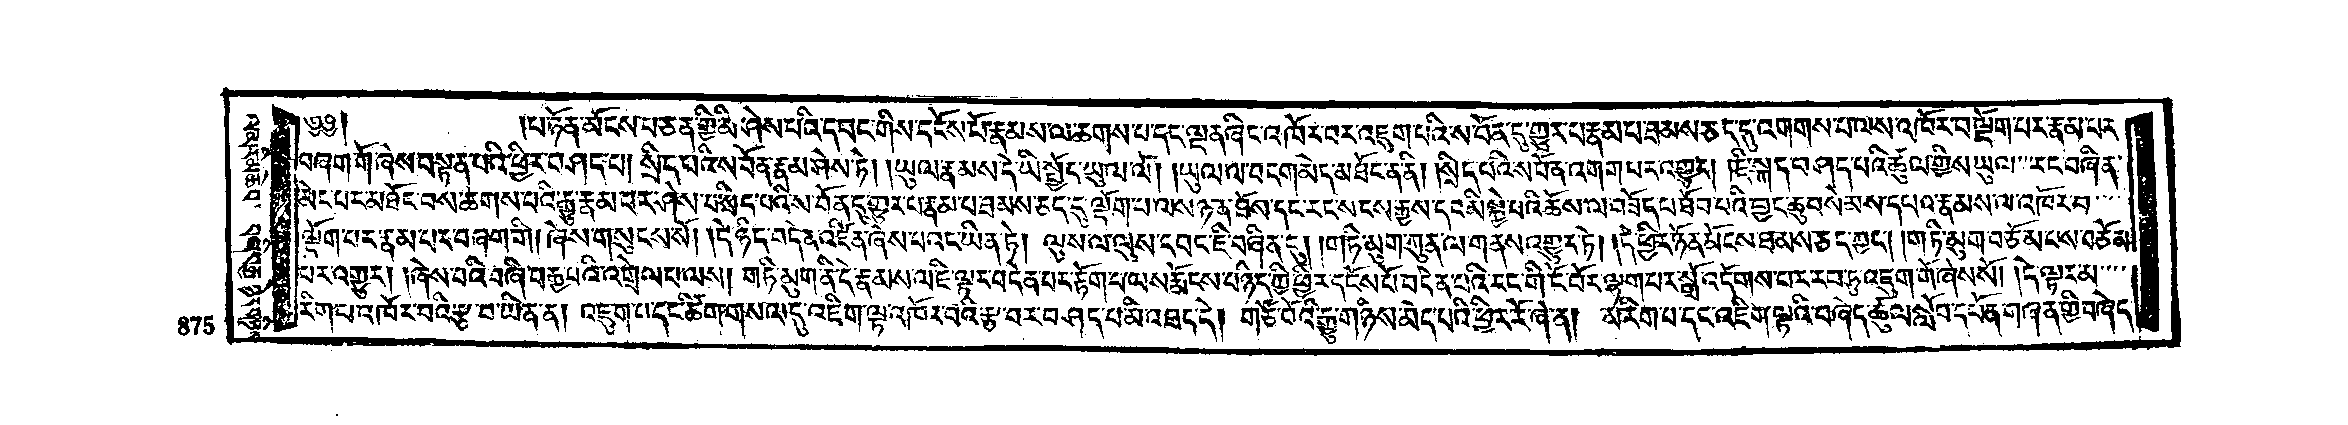༄༅། །པ་ཉོན་མོངས་པ་ཅན་གྱི་མི་ཤེས་པའི་དབང་གིས་དངོས་པོ་རྣམས་ལ་ཆགས་པ་དང་ལྡན་ཞིང་འཁོར་བར་འཇུག་པའི་ས་བོན་དུ་གྱུར་པ་རྣམ་པ་ཐམས་ཅད་དུ་འགགས་པ་ལས་འཁོར་བ་ལྡོག་པར་རྣམ་པར་
བཞག་གོ་ཞེས་བསྟན་པའི་ཕྱིར་བཤད་པ། སྲིད་པའི་ས་བོན་རྣམ་ཤེས་ཏེ། །ཡུལ་རྣམས་དེ་ཡི་སྤྱོད་ཡུལ་ལོ། །ཡུལ་ལ་བདག་མེད་མཐོང་ན་ནི། །སྲིད་པའི་ས་བོན་འགག་པར་འགྱུར། །ཇི་སྐད་བཤད་པའི་ཚུལ་གྱིས་ཡུལ་རང་བཞིན་
མེད་པར་མཐོང་བས་ཆགས་པའི་རྒྱུ་རྣམ་པར་ཤེས་པ་སྲིད་པའི་ས་བོན་དུ་གྱུར་པ་རྣམ་པ་ཐམས་ཅད་དུ་ལྡོག་པ་ལས་ཉན་ཐོས་དང་རང་སངས་རྒྱས་དང་མི་སྐྱེ་བའི་ཆོས་ལ་བཟོད་པ་ཐོབ་པའི་བྱང་ཆུབ་སེམས་དཔའ་རྣམས་ལ་འཁོར་བ་
ལྡོག་པར་རྣམ་པར་བཞག་གི། ཞེས་གསུངས་སོ། །དེ་ཉིད་བདེན་འཛིན་ཞེས་པའང་ཡིན་ཏེ། ལུས་ལ་ལུས་དབང་ཇི་བཞིན་དུ། །གཏི་མུག་ཀུན་ལ་གནས་འགྱུར་ཏེ། །དེ་ཕྱིར་ཉོན་མོངས་ཐམས་ཅད་ཀྱང་། །གཏི་མུག་བཅོམ་པས་བཅོམ་
པར་འགྱུར། །ཞེས་པའི་བཞི་བརྒྱ་པའི་འགྲེལ་པ་ལས། གཏི་མུག་ནི་དེ་རྣམས་ལ་ཇི་ལྟར་བདེན་པར་རྟོག་པ་ལས་རྨོངས་པ་ཉིད་ཀྱི་ཕྱིར་དངོས་པོ་བདེན་པའི་རང་གི་ངོ་བོར་ལྷག་པར་སྒྲོ་འདོགས་པར་རབ་ཏུ་འཇུག་གོ་ཞེས་སོ། །དེ་ལྟར་མ་
རིག་པ་འཁོར་བའི་རྩ་བ་ཡིན་ན། འཇུག་པ་དང་ཚིག་གསལ་དུ་འཇིག་ལྟ་འཁོར་བའི་རྩ་བར་བཤད་པ་མི་འཐད་དེ། གཙོ་བོའི་རྒྱུ་གཉིས་མེད་པའི་ཕྱིར་རོ་ཞེ་ན། མ་རིག་པ་དང་འཇིག་ལྟའི་བཞེད་ཚུལ་སློབ་དཔོན་གཞན་གྱི་བཞེད་